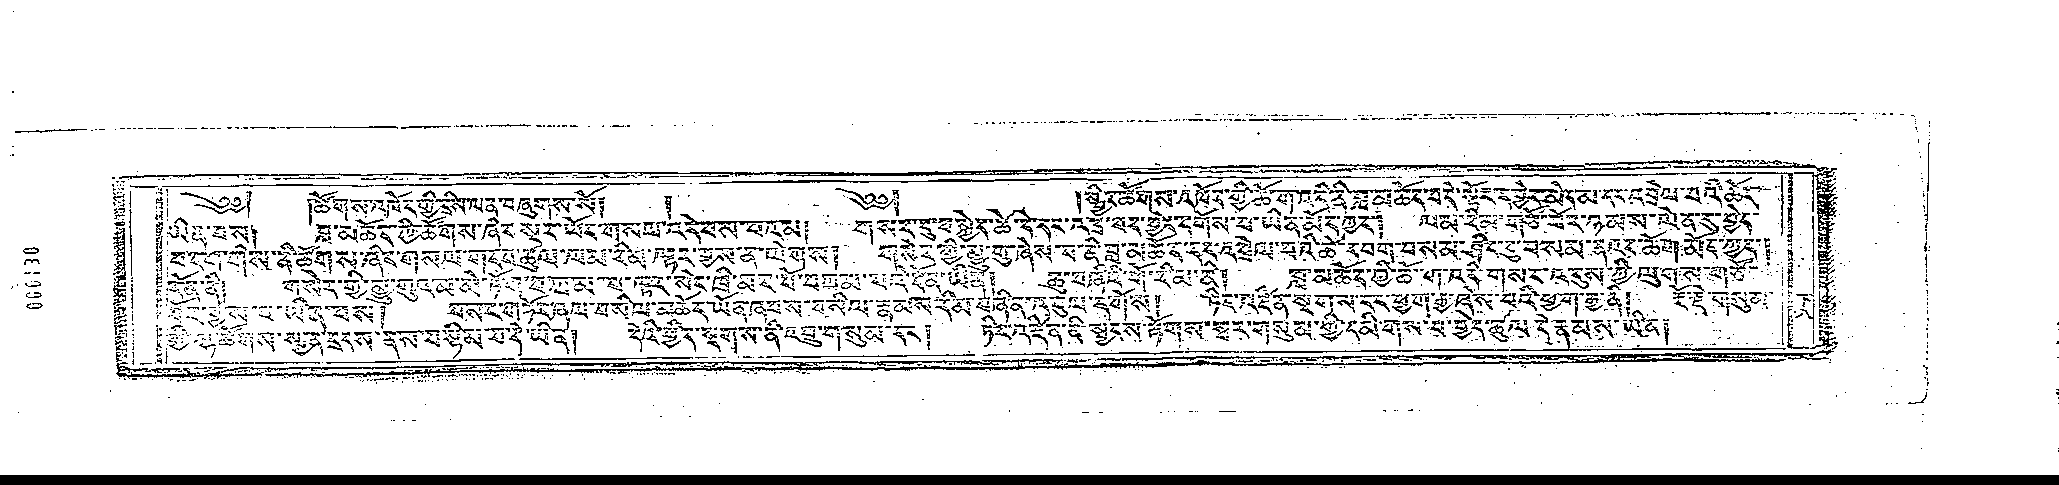༄༅། །ཚོགས་འཁོར་གྱི་དྲིས་ལན་བཞུགས་སོ། ། ༄༅། །སྤྱིར་ཚོགས་འཁོར་གྱི་ཆོ་ག་འདི་ནི་བླ་མཆོད་བདེ་སྟོང་དབྱེར་མེད་མ་དང་འབྲེལ་བའི་ཆོ་ག་
ཡིན་པས། །བླ་མཆོད་ཀྱི་ཚོགས་ཞིང་སྔར་ཡོད་གསལ་འདེབས་པའམ། །གསར་དུ་བསྐྱེད་ཚེ་དེ་དང་འདྲ་བར་བྱེད་དགོས་པ་ཡིན་མོད་ཀྱང་། ལམ་རིམ་གཙོ་བོར་ཉམས་ལེན་དུ་བྱེད་
པ་དག་གིས་ནི་ཚོགས་ཞིང་གསལ་གདབ་ཚུལ་ལམ་རིམ་ལྟར་བྱས་ན་ལེགས། གསེར་གྱི་མྱུ་གུ་ཞེས་པ་ནི་བླ་མཆོད་དང་འབྲེལ་བའི་ཚེ་དཔག་བསམ་ཤིང་དུ་བསམ་ནའང་ཆོ་ག་མོད་ཀྱང་།
དོན་ནི། གསེར་གྱི་མྱུ་གུའམ་མེ་ཏོག་བཀྲམ་པ་ལྟར་སེང་ཁྲི་མང་པོ་བཀྲམ་པའི་དོན་ཡིན། །ཆུ་བཞིའི་གོ་རིམ་ནི། བླ་མཆོད་ཀྱི་ཆོ་ག་འདི་གསང་འདུས་ཀྱི་ལུགས་གཙོ་
པོར་བྱས་པ་ཡིན་པས། བསང་གཏོར་ཞལ་བསིལ་མཆོད་ཡོན་ཞབས་བསིལ་རྣམས་རིམ་བཞིན་འབུལ་དགོས། ཏིང་འཛིན་སྔགས་དང་ཕྱག་རྒྱ་ཞེས་པའི་ཕྱག་རྒྱ་ནི། །རྡོ་རྗེ་གསུམ་
གྱི་ལྷ་ཚོགས་སྤྱན་དྲངས་ནས་བསྟིམ་བདེ་ཡིན། །དེའི་ཕྱིར་སྔགས་ནི་འབྲུ་གསུམ་དང་། ཏིང་འཛིན་ནི་སྦྱངས་རྟོགས་སྤར་གསུམ་གྱི་དམིགས་པ་བྱེད་ཚུལ་དེ་རྣམས་ཡིན།